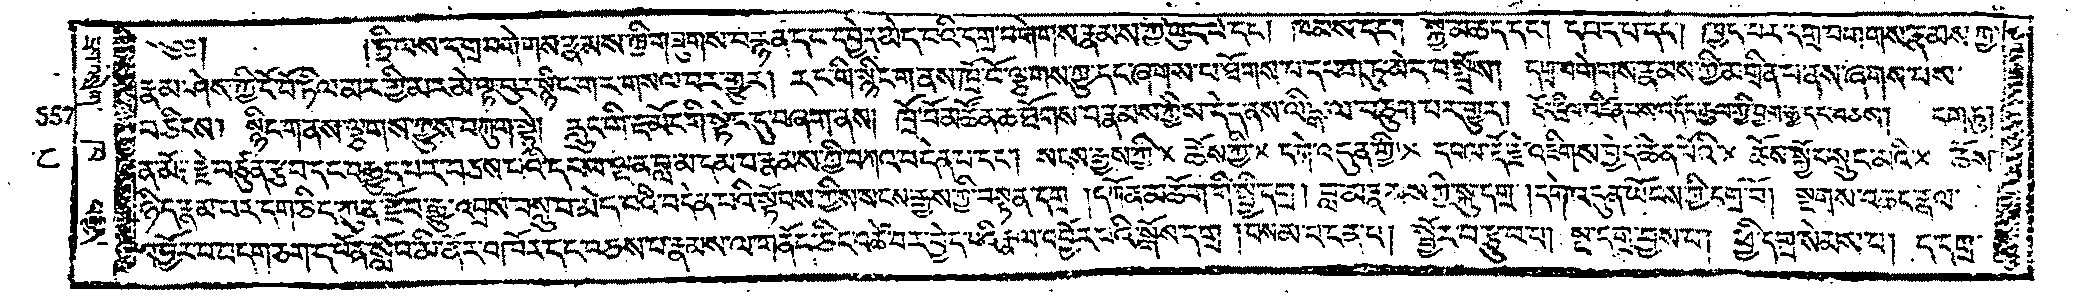༄༅། །ཏྲི་ལས་དགྲ་བགེགས་རྣམས་ཀྱི་གཟུགས་བརྙན་དང་དབྱེར་མེད་པའི་དགྲ་བགེགས་རྣམས་ཀྱི་ཡུང་བ་དང་། ཁམས་དང་། སྐྱ་མཆད་དང་། དབང་པ་དང་། ཁྱད་པར་དགྲ་བགགས་རྣམས་ཀྱི་
རྣམ་ཤེས་ཀྱི་ངོ་བོ་ཏིལ་མར་གྱི་མར་མེ་ལྟ་བུར་སྙིང་གར་གསལ་བར་གྱུར། རང་གི་སྙིང་གནས་ཁྲོ་བོ་ལྕགས་ཀྱུ་དང་ཞགས་པ་ཐོགས་པ་དཔག་ཏུ་མེད་པ་སྤྲོས། །དགྲ་བགེགས་རྣམས་ཀྱི་མགྲིན་པ་ནས་ཞགས་པས་
བཅིངས། སྙིང་གནས་ལྕགས་ཀྱུས་བཀུག་སྟེ། རླུང་གི་རྡ་མོང་གི་སྟེང་དུ་བཞག་ནས། ཁྲོ་བོ་མཚོན་ཆ་ཐོགས་པ་རྣམས་ཀྱིས་དེད་ནས་ལིངྒ་ལ་བཅུག་པར་གྱུར། རྡོར་དྲིལ་འཛིན་པས་འདོད་རྒྱལ་ཀྱི་བྱག་རྒྱ་དང་བཅས།  དག་ཏུ།
ན་མོ༑ རྗེ་བཙུན་རྩ་བ་དང་བརྒྱུད་པར་བཅས་པའི་དཔལ་ལྡན་བླ་མ་དམ་པ་རྣམས་ཀྱི་བཀའ་བདེན་པ་དང་། སངས་རྒྱས་ཀྱི་྾་ཆོས་ཀྱི་྾་དགེ་འདུན་གྱི་྾་དཔལ་རྡོ་རྗེ་འཇིགས་བྱེད་ཆེན་པོའི་྾་ཆོས་སྐྱོང་སྲུང་མའི་྾་ཆོས་
ཉིད་རྣམ་པར་དག་ཅིང་ཀུན་རྫོབ་རྒྱུ་འབྲས་བསླུ་བ་མེད་པའི་བདེན་པའི་སྟོབས་ཀྱིས་སངས་རྒྱས་ཀྱི་བསྟན་དགྲ། །དཀོན་མཆོག་གི་སྤྱི་དགྲ། བླ་མ་རྣམས་ཀྱི་སྐུ་དགྲ་།དགེ་འདུན་ཡོངས་ཀྱི་དགྲ་བོ། །སྔགས་འཆང་རྣལ་
འབྱོར་པ་བདག་ཅག་དཔོན་སློབ་མི་ནོར་འཁོར་དང་བཅས་པ་རྣམས་ལ་གནོད་ཅིང་འཚེ་བར་བྱེད་པའི་རྣལ་འབྱོར་པའི་སོགས་དགྲ་།བསམ་པ་ངན་པ། སྦྱོར་བ་རྩུབ་པ། སྔ་དགྲ་བྱས་པ། ཕྱི་དགྲ་སེམས་པ། ད་དགྲ་